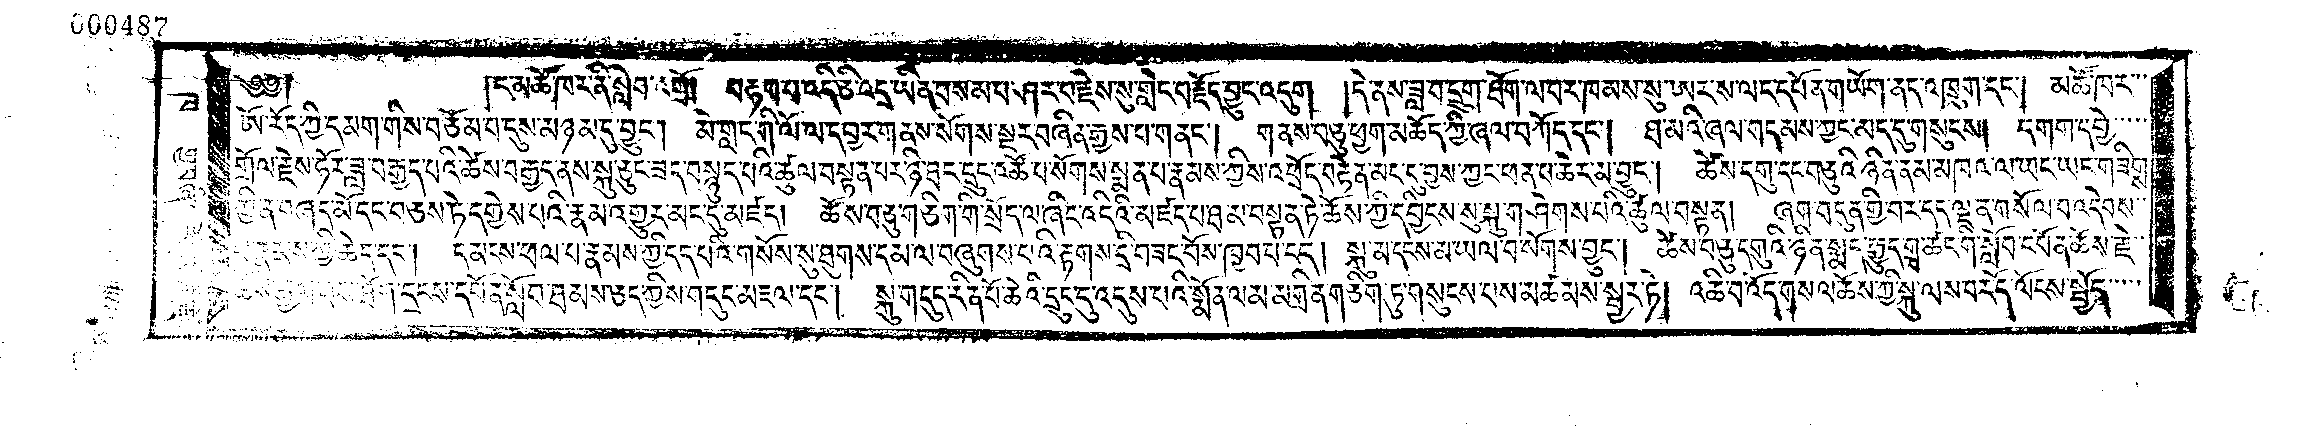༄༅། །ང་མཚོ་ཁར་ནི་སླེབ་འགྲོ། བརྟག་པ་འདི་ཅི་འདྲ་ཡིན་བསམ་པ་ཤར་བ་རྗེས་སུ་གླེང་བརྗོད་བྱུང་འདུག །དེ་ནས་ཟླ་བ་དྲུག་ཐོག་ལ་བར་ཁམས་སུ་ཨར་ས་ལང་དཔོན་གཡོག་ནང་འཁྲུག་དང་། མཚོ་ཁར་
ཨོ་རོད་ཀྱི་དམག་གིས་བཅོམ་པ་དུས་མཉམ་དུ་བྱུང་། མེ་གླང་གི་ལོ་ལ་དབྱར་གནས་སོགས་སྔར་བཞིན་རྒྱས་པ་གནང་། གནས་བཅུ་ཕྱག་མཆོད་ཀྱི་ཞལ་བཀོད་དང་། ཐ་མའི་ཞལ་གདམས་ཀྱང་མང་དུ་གསུངས། དགག་དབྱེ་
གྲོལ་རྗེས་ཧོར་ཟླ་བརྒྱད་པའི་ཚེས་བརྒྱད་ནས་སྐུ་ཅུང་ཟད་བསྙུད་བའི་ཚུལ་བསྟན་པར་ཉི་ཐང་དྲུང་འཚོ་པ་སོགས་སྨན་པ་རྣམས་ཀྱིས་འཕྲོད་བརྟེན་མང་དུ་བྱས་ཀྱང་ཕན་པ་ཆེར་མ་བྱུང་། ཚེས་དགུ་དང་བཅུའི་ཉིན་ནམ་མཁའ་ལ་ཡང་ཡང་གཟིགས་
ཀྱིན་བཞང་མོ་དང་བཅས་ཏེ་དགྱེས་པའི་རྣམ་འགྱུར་མང་དུ་མཛད། ཚེས་བཅུ་གཅིག་གི་སྲོད་ལ་ཞིང་འདིའི་མཛད་པ་ཐ་མ་བསྟན་ཏེ་ཆོས་ཀྱི་དབྱིངས་སུ་སྐུ་གཤེགས་པའི་ཚུལ་བསྟན། ཞག་བདུན་གྱི་བར་དད་ལྡན་གསོལ་བ་འདེབས་
པ་རྣམས་ཀྱི་ཆེད་དང་། དམངས་ཕལ་པ་རྣམས་ཀྱི་དད་པའི་གསོས་སུ་ཐུགས་དམ་ལ་བཞུགས་པའི་རྟགས་དྲི་བཟང་པོས་ཁྱབ་པ་དང་། སྐུ་མདངས་མ་ཡལ་བ་སོགས་བྱུང་། ཆོས་བཅུ་དགུའི་ཉིན་སྨད་རྒྱུད་གྲྭ་ཚང་གི་སློབ་དཔོན་ཆོས་རྗེ་
ཆོས་རྒྱལ་བས་ཐོག་དྲངས་དཔོན་སློབ་ཐམས་ཅད་ཀྱིས་གདུང་མཇལ་དང་། སྐུ་གདུད་རིན་པོ་ཆེའི་དྲུང་དུ་འདུས་པའི་སྨོན་ལམ་མགྲིན་གཅིག་ཏུ་གསུངས་པས་མཚམས་སྦྱར་ཏེ། འཆི་བ་འོད་གསལ་ཆོས་ཀྱི་སྐུ་ལས་བར་དོ་ལོངས་སྤྱོད་